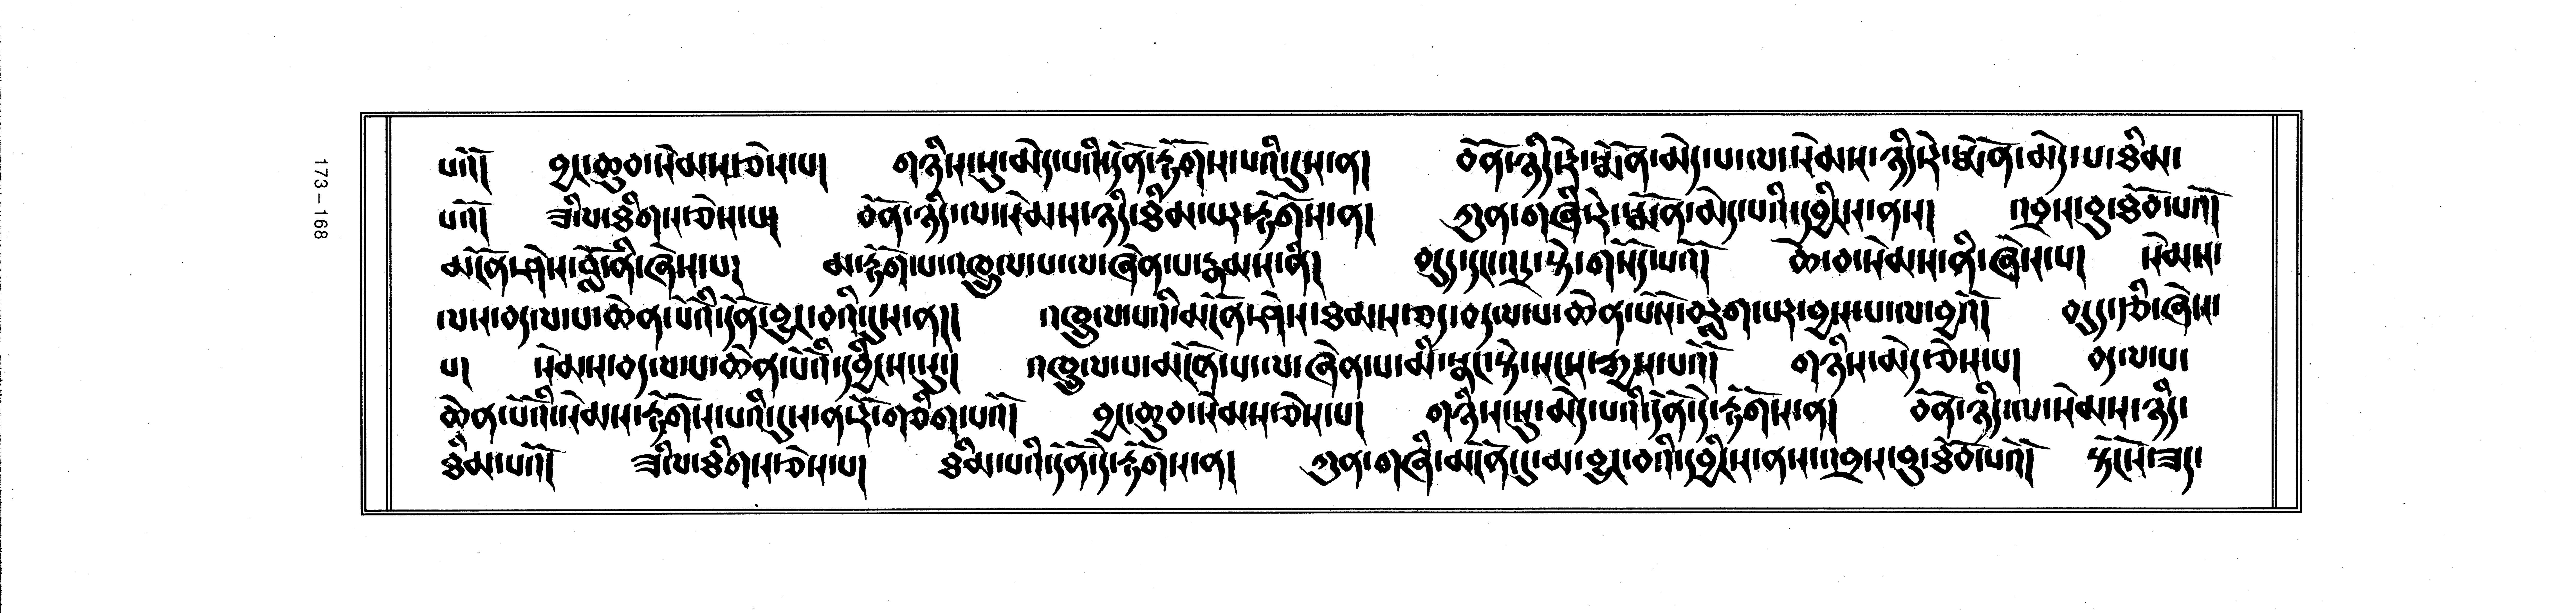པའོ། །བྱང་ཆུབ་སེམས་ཅེས་པ། གཉིས་སུ་མེད་པའི་དོན་རྟོགས་པའི་དུས་ན། བོན་ཉིད་རེ་སྨོན་མེད་པ་ལ་སེམས་ཉིད་རེ་སྨོན་མེད་པ་ཐིམ་
པའོ། །ཟིལ་ཐིགས་ཅེས་པ། བོན་ཉིད་ལ་སེམས་ཉིད་ཐིམ་པར་རྟོགས་ན། ཀུན་གཞི་རེ་སྨོན་མེད་པའི་དབྱིངས་ནས། འབྲས་བུ་ཐོབ་པའོ། །
མངོན་ཤེས་བློ་ནི་ཞེས་པ། མ་རྟོགས་པ་འཁྲུལ་པ་ལ་ཞེན་པ་རྣམས་ནི། བདུད་དང་འདྲ་སྟེ་གསོད་པའོ། །ཆེ་བ་སེམས་ནི་ཞེས་པ། སེམས་
ལས་བདལ་པ་ཆེན་པོ་བྱུང་བའི་དུས་ན། འཁྲུལ་པའི་མངོན་ཤེས་ཐམས་ཅད་བདལ་པ་ཆེན་པོས་བརླག་པར་བྱས་པ་ལ་བྱའོ། །བདུད་རྩི་ཞེས་
པ། སེམས་བདལ་པ་ཆེན་པོའི་དབྱིངས་སུ་འཁྲུལ་པ་མངོན་པ་ལ་ཞེན་པ་མི་སྣང་སྟེ་སངས་རྒྱས་པའོ། །གཉིས་མེད་ཅེས་པ། བདལ་པ་
ཆེན་པོའི་སེམས་རྟོགས་པའི་དུས་ན་རོ་གཅིག་པའོ། །བྱང་ཆུབ་སེམས་ཅེས་པ། གཉིས་སུ་མེད་པའི་དོན་དེ་རྟོགས་ན་བོན་ཉིད་ལ་སེམས་ཉིད་
ཐིམ་པའོ། །ཟིལ་ཐིགས་ཅེས་པ། ཐིམ་པའི་དོན་དེ་རྟོགས་ན། ཀུན་གཞི་མངོན་དུ་མ་བྱུང་བའི་དབྱིངས་ནས་འབྲས་བུ་ཐོབ་པའོ། །སྟོང་ཟད་